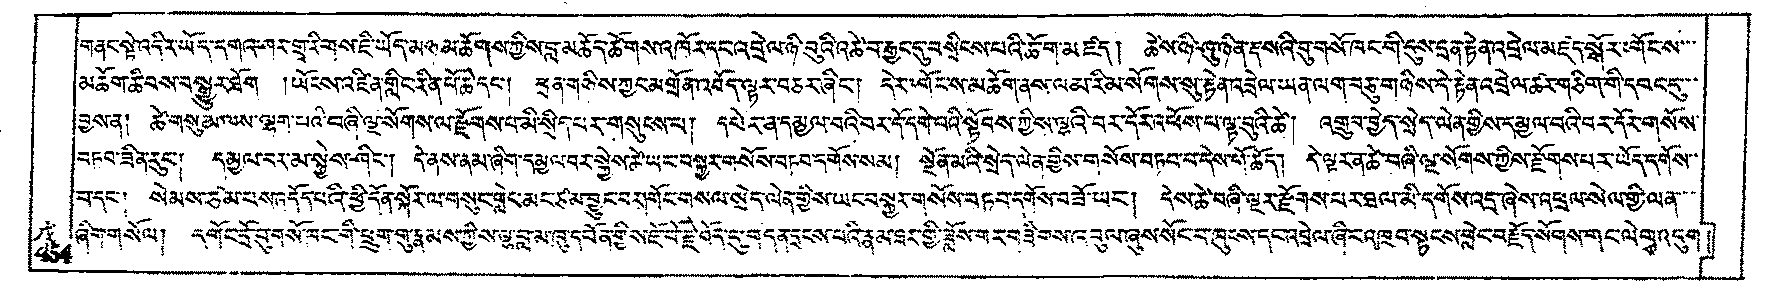གནང་སྟེ་འདིར་ཡོད་དགའ་ཤར་གྲྭ་རིགས་ཇི་ཡོད་མཉམ་ཚོགས་ཀྱིས་བླ་མཆོད་ཚོགས་འཁོར་དང་འབྲེལ་ཉི་བུའི་འཚེ་བ་རྒྱང་དུ་བསྲིངས་པའི་ཆོ་ག་མཛད། ཚེས་ཉི་ཤུ་ཉིན་རྡ་སའི་བུ་གསོ་ཁང་གི་དུས་དྲན་རྟེན་འབྲེལ་མཛད་སྒོར་༧གོང་ས་
མཆོག་ཆིབས་བསྒྱུར་ཐོག །ཡོངས་འཛིན་གླིང་རིན་པོ་ཆེ་དང་། ཕྲན་གཉིས་ཀྱང་མགྲོན་འབོད་ལྟར་བཅར་ཞིང་། དེར་༧གོང་ས་མཆོག་ནས་ལམ་རིམ་སོགས་སུ་རྟེན་འབྲེལ་ཡན་ལག་བཅུ་གཉིས་དེ་རྟེན་འབྲེལ་ཚར་གཅིག་གི་དབང་དུ་
བྱས་ན། ཚེ་གསུམ་ལས་ལྷག་པའི་བཞི་ལྔ་སོགས་ལ་རྫོགས་པ་མི་སྲིད་པར་གསུངས་པ། དཔེར་ན་དམྱལ་བའི་བར་དོ་དགེ་བའི་སྟོབས་ཀྱིས་ལྷའི་བར་དོར་འཕོས་པ་ལྟ་བུའི་ཚེ། འགྲུབ་བྱེད་སྲེད་ལེན་གྱིས་དམྱལ་བའི་བར་དོར་གསོས་
བཏབ་ཟིན་རུང་། དམྱལ་བར་མ་སྐྱེས་ཤིང་། དེ་ནས་ནམ་ཞིག་དམྱལ་བར་སྐྱེས་ཚེ་ཡང་བསྐྱར་གསོས་བཏབ་དགོས་སམ། སྔོན་མའི་སྲེད་ལེན་གྱིས་གསོས་བཏབ་པ་དེས་གོ་ཆོད། དེ་ལྟར་ན་ཚེ་བཞི་ལྔ་སོགས་ཀྱིས་རྫོགས་པར་ཡོད་དགོས་
པ་དང་། སེམས་ཙམ་པས་འདོད་པའི་ཕྱི་དོན་སྐོར་ལ་གསུང་གླེང་མང་ཙམ་བྱུང་བར། གོང་གསལ་སྲེད་ལེན་གྱིས་ཡང་བསྐྱར་གསོས་བཏབ་དགོས་བཟོ་ཡང་། དེས་ཚེ་བཞི་ལྔར་རྫོགས་པར་ཐལ་མི་དགོས་འདྲ་ཞེས་འཕྲལ་སེལ་གྱི་ལན་
ཞིག་གསོལ། དགོང་དྲོ་བུ་གསོ་ཁང་གི་ཕྲུག་གུ་རྣམས་ཀྱིས་ལྷ་བླ་མ་ཁུ་དབོན་གྱིས་ཇོ་བོ་རྗེ་བོད་དུ་གདན་དྲངས་པའི་རྣམ་ཐར་གྱི་ཟློས་གར་གཟིགས་འབུལ་ཞུས་སོང་བ་ཁུངས་དང་འབྲེལ་ཞིང་འཁྲབ་སྟངས་གླེང་བརྗོད་སོགས་གང་ལེགས་འདུག །